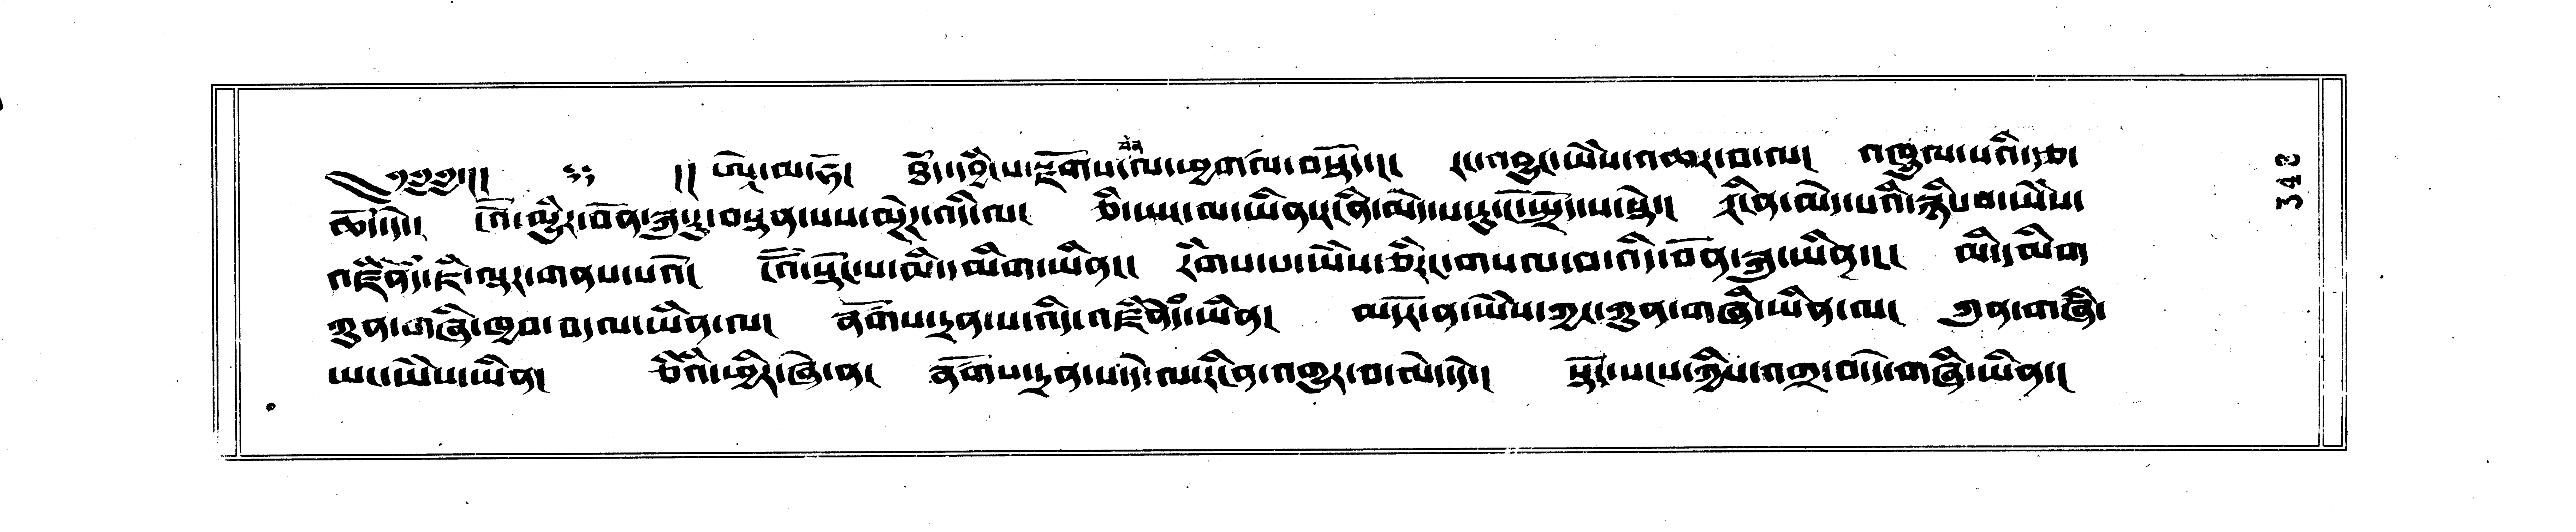༄༅།། ཨེ་མ་ཧོ། ཐམས་ཅད་དབྱིངས་རྫོགས་བོན་ལ་ཕྱག་འཚལ་ལོ། རང་འབྱུང་ཡེ་ཤེས་ཅིར་ཡང་འཆར་བ་ལ། འཁྲུལ་པའི་གཞི་རྩ་
ཆོད་དེ། ངོའོ་མི་འགྱུར་བོན་སྐུ་རུ་བསྟན་པའི་མེན་ངག་འདི་ལ། ཅིར་ཡང་མ་ཡིན་རང་བཞིན་མེད་པ་རུ་ངོ་སྤྲད་སྟེ། རང་བཞིན་མེད་པའི་སྙིང་པོར་ཡེ་ཤེས་
འཛིན་མེད་དུ་ཇི་ལྟར་གནས་པའོ། ངོའོ་སྟོང་པ་མི་དམིགས་པ་ཡིན་ལ། རིག་པའི་ཡེ་ཤེས་ཅིར་ཡང་གསལ་བ་འདི་བོན་སྐུ་ཡིན། མི་དམིགས་
ཀུན་གཞི་ཁྱབ་བདལ་ཡིན་ལ། སྣ་ཚོགས་དྲན་པ་འདི་ནི་འཛིན་མེད་ཡེ་ཤེས་ཡིན། མདོར་ན་ཡེ་ཤེས་ཀྱང་ཀུན་གཞི་ཡིན་ལ། ཀུན་གཞི་
ཡང་ཡེ་ཤེས་ཡིན། དེ་ཅིའི་ཕྱིར་ཞེ་ན། སྣ་ཚོགས་དྲན་པ་འགྱུ་བ་དེ་ལ་རང་བཞིན་མེད་དེ། སྟོང་སངས་ཀྱིས་འགྲོ་བ་དེ་ཀུན་གཞི་ཡིན།